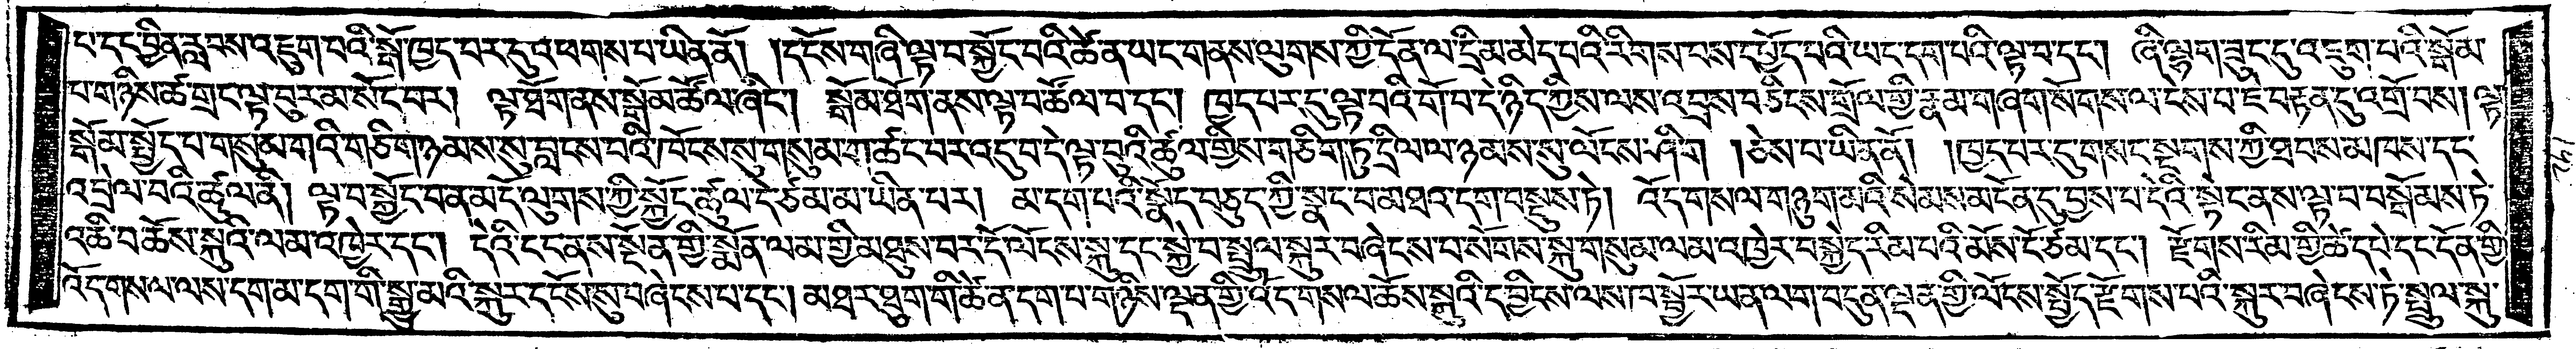པ་དང་བྱིན་རླབས་འཇུག་པའི་སྒོ་ཁྱད་པར་དུ་འཕགས་པ་ཡིན་ནོ། །དངོས་གཞི་ལྟ་བ་སྐྱོང་བའི་ཚེ་ན་ཡང་གནས་ལུགས་ཀྱི་དོན་ལ་དྲི་མ་མེད་པའི་རིགས་པས་དཔྱོད་པའི་ཡང་དག་པའི་ལྟ་བ་དང་། ཞི་ལྷག་ཟུང་དུ་འཇུག་པའི་སྒོམ་
པ་གཉིས་ཆ་གང་ལྟ་བུར་མ་སོང་བར། ལྟ་ཐོག་ནས་སྒོམ་ཚོལ་ཞིང་། སྒོམ་ཐོག་ནས་ལྟ་བ་ཚོལ་བ་དང་། ཁྱད་པར་དུ་ལྟ་བའི་གོ་བ་དེ་ཉིད་ཀྱིས་ལས་འབྲས་བཅིངས་གྲོལ་གྱི་རྣམ་གཞག་སོ་གསལ་ངེས་པ་ཇི་བརྟེན་དུ་འགྲོ་བས། ལྟ་
སྒོམ་སྤྱོད་པ་གསུམ་ཀའི་གཅིག་ཉམས་སུ་བླངས་པའི་ཁོངས་སུ་གསུམ་ག་ཚང་བར་འདུ་བ་དེ་ལྟ་བུའི་ཚུལ་གྱིས་གཅིག་ཏུ་དྲིལ་ལ་ཉམས་སུ་ལོངས་ཤིག །ཅེས་པ་ཡིན་ནོ། །ཁྱད་པར་དུ་གསང་སྔགས་ཀྱི་ཐབས་མཁས་དང་
འབྲེལ་བའི་ཚུལ་ནི། ལྟ་བ་སྐྱོང་བ་ན་མདོ་ལུགས་ཀྱི་སྐྱོང་ཚུལ་དེ་ཙམ་མ་ཡིན་པར། མ་དག་པའི་སྣོད་བཅུད་ཀྱི་སྣང་བ་མཐའ་དག་བསྡུས་ཏེ། འོད་གསལ་གཉུག་མའི་སེམས་མངོན་དུ་བྱས་པ་དེའི་སྟེང་ནས་ལྟ་བ་བསྒོམས་ཏེ་
འཆི་བ་ཆོས་སྐུའི་ལམ་འཁྱེར་དང་། དེའི་ངང་ནས་སྔོན་གྱི་སྨོན་ལམ་གྱི་མཐུས་པར་དོ་ལོངས་སྐུ་དང་སྐྱེ་བ་སྤྲུལ་སྐུར་བཞེངས་པ་སོགས་སྐུ་གསུམ་ལམ་འཁྱེར་བསྐྱེད་རིམ་པའི་མོས་ངོ་ཙམ་དང་། རྫོགས་རིམ་གྱི་ཚེ་དཔེ་དང་དོན་གྱི་
འོད་གསལ་ལས་དག་མ་དག་གི་སྒྱུ་མའི་སྐུར་དངོས་སུ་བཞེངས་པ་དང་། མཐར་ཐུག་གི་ཚེ་ན་དག་པ་གཉིས་ལྡན་གྱི་འོད་གསལ་ཆོས་སྐུའི་དབྱིངས་ལས་ཁ་སྦྱོར་ཡན་ལག་བདུན་ལྡན་གྱི་ལོངས་སྤྱོད་རྫོགས་པའི་སྐུར་བཞེངས་ཏེ་སྤྲུལ་སྐུ་